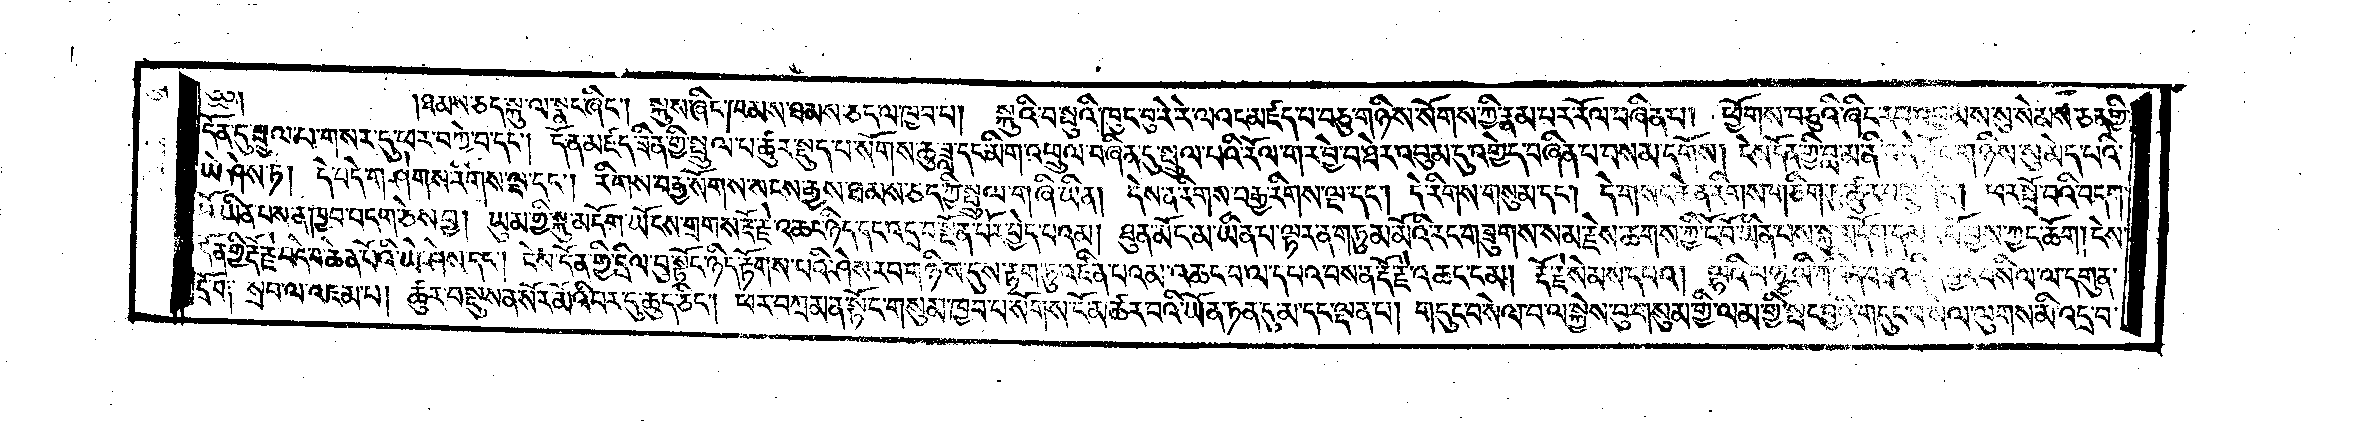༄༅། །ཐམས་ཅད་སྐུ་ལ་སྣང་ཞིང་། སྐུས་ཞིང་ཁམས་ཐམས་ཅད་ལ་ཁྱབ་པ། སྐུའི་བ་སྤུའི་ཁུང་བུ་རེ་རེ་ལའང་མཛད་པ་བཅུ་གཉིས་སོགས་ཀྱི་རྣམ་པར་རོལ་བཞིན་པ། ཕྱོགས་བཅུའི་ཞིང་རབ་འབྱམས་སུ་སེམས་ཅན་གྱི་
དོན་དུ་སྤྲུལ་པ་གསར་དུ་ཕར་བཀྱེ་བ་དང་། དོན་མཛད་ཟིན་གྱི་སྤྲུལ་པ་ཚུར་སྡུད་པ་སོགས་ཆུ་ཟླ་དང་མིག་འཕྲུལ་བཞིན་དུ་སྤྲུལ་པའི་རོལ་གར་བྱེ་བ་ཐེར་འབུམ་དུ་འགྱེད་བཞིན་པ་བསམ་དགོས། ངེས་དོན་གྱི་བླ་མ་ནི་བདེ་སྟོང་གཉིས་སུ་མེད་པའི་
ཡེ་ཤེས་ཏེ། དེ་བདེ་གཤེགས་རིགས་ལྔ་དང་། རིགས་བརྒྱ་སོགས་སངས་རྒྱས་ཐམས་ཅད་ཀྱི་སྤྲུལ་གཞི་ཡིན། དེས་ན་རིགས་བརྒྱ་རིགས་ལྔ་དང་། དེ་རིགས་གསུམ་དང་། དེ་གསང་ཆེན་རིགས་གཅིག་ཏུ་ཚུར་བསྡུ་ཞིང་། ཕར་སྤྲོ་བའི་བདག་
པོ་ཡིན་པས་ན་ཁྱབ་བདག་ཅེས་བྱ། ཡུམ་གྱི་སྐུ་མདོག་ཡོངས་གྲགས་རྡོ་རྗེ་འཆང་ཉིད་དང་འདྲ་བ་སྔོན་པོར་བྱེད་པའམ། ཐུན་མོང་མ་ཡིན་པ་ལྟར་ན་གཏུམ་མོའི་རང་གཟུགས་སམ་རྗེས་ཆགས་གྱི་ངོ་བོ་ཡིན་པས་སྐུ་མདོག་དམར་པོ་བྱས་ཀྱང་ཆོག །ངེས་
དོན་གྱི་རྡོ་རྗེ་བདེ་བ་ཆེན་པོའི་ཡེ་ཤེས་དང་། ངེས་དོན་གྱི་དྲིལ་བུ་སྟོང་ཉིད་རྟོགས་པའི་ཤེས་རབ་གཉིས་དུས་རྟག་ཏུ་འཛིན་པའམ་འཆང་བ་ལ་དཔའ་བས་ན་རྡོ་རྗེ་འཆང་ངམ། རྡོ་རྗེ་སེམས་དཔའ། ལྷའི་པཉྩ་ལི་ཀའི་ན་བཟའ་ནི་དབྱར་བསིལ་ལ་དགུན་
དྲོ་བ། སྲབ་ལ་འཇམ་པ། ཚུར་བསྡུས་ན་སོར་མོའི་བར་དུ་ཆུད་ཅིང་། ཕར་བཀྲམ་ན་སྟོང་གསུམ་ཁྱབ་པ་སོགས་ངོ་མཚར་བའི་ཡོན་ཏན་དུ་མ་དང་ལྡན་པ། གདུང་བ་སེལ་བ་ལ་སྐྱེས་བུ་གསུམ་གྱི་ལམ་གྱི་སྤང་བྱའི་གདུང་བ་སེལ་ལུགས་མི་འདྲ་བ་